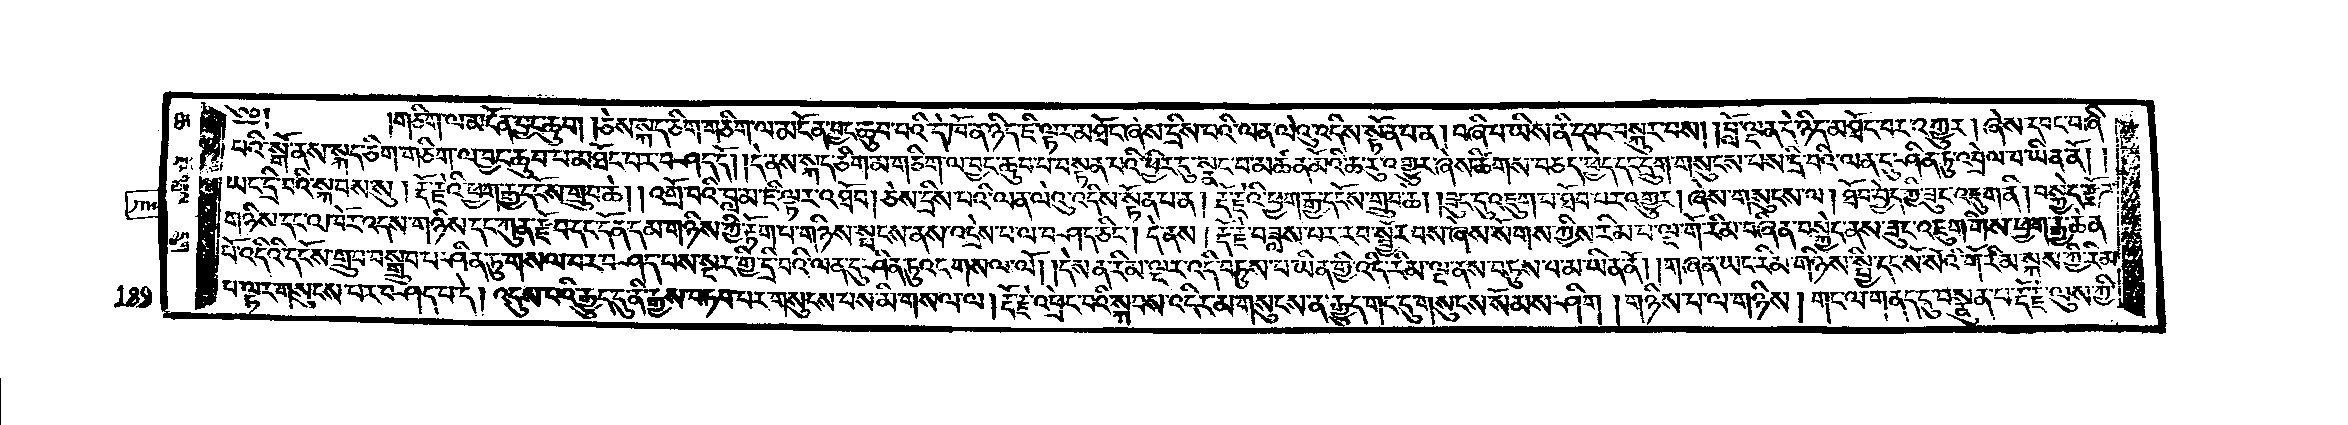༄༅། །གཅིག་ལ་མངོན་བྱང་ཆུབ། །ཅེས་སྐད་ཅིག་གཅིག་ལ་མངོན་བྱང་ཆུབ་པའི་དེ་ཁོ་ན་ཉིད་ཇི་ལྟར་མཐོང་ཞེས་དྲིས་པའི་ལན་ལེའུ་འདིས་སྟོན་པ་ན། བཞི་པ་ཡིས་ནི་དབང་བསྐུར་བས། །བློ་ལྡན་དེ་ཉིད་མཐོང་བར་འགྱུར། ཞེས་དབང་བཞི་
པའི་སྒོ་ནས་སྐད་ཅིག་གཅིག་ལ་བྱང་ཆུབ་པ་མཐོང་བར་བཤད་དོ། །དེ་ནས་སྐད་ཅིག་མ་གཅིག་ལ་བྱང་ཆུབ་པ་བསྟན་པའི་ཕྱིར་དུ་སྣང་བ་མཚན་མོའི་ཆ་རུ་འགྱུར་ཞེས་ཚིགས་བཅད་ཕྱེད་དང་དྲུག་གསུངས་པས་དྲི་བའི་ལན་དུ་ཤིན་ཏུ་འབྲེལ་བ་ཡིན་ནོ། །
ཡང་དྲི་བའི་སྐབས་སུ། རྡོ་རྗེའི་ཕྱག་རྒྱ་དངོས་གྲུབ་ཆེ། །འགྲོ་བའི་བླ་མ་ཇི་ལྟར་འཐོབ། ཅེས་དྲིས་པའི་ལན་ལེའུ་འདིས་སྟོན་པ་ན། རྡོ་རྗེའི་ཕྱག་རྒྱ་དངོས་གྲུབ་ཆེ། །ཟུང་དུ་འཇུག་པ་ཐོབ་པར་འགྱུར། ཞེས་གསུངས་ལ། ཐོབ་བྱེད་ཀྱི་ཟུང་འཇུག་ནི། བསྐྱེད་རྫོགས་
གཉིས་དང་འཁོར་འདས་གཉིས་དང་ཀུན་རྫོབ་དང་དོན་དམ་གཉིས་ཀྱི་རྟོག་པ་གཉིས་སྤངས་ནས་འདྲེས་པ་ལ་བཤད་ཅིང་། དེ་ནས། རྡོ་རྗེ་བཟླས་པར་རབ་སྦྱོར་བས་ཞེས་སོགས་ཀྱིས་རིམ་པ་ལྔ་གོ་རིམ་བཞིན་བསྐྱེད་ནས་ཟུང་འཇུག་གིས་ཕྱག་རྒྱ་ཆེན་
པོ་འདིའི་དངོས་གྲུབ་བསྒྲུབ་པ་ཤིན་ཏུ་གསལ་བར་བཤད་པས་སྔར་གྱི་དྲི་བའི་ལན་དུ་ཤིན་ཏུ་འང་གསལ་ལོ། །དེས་ན་རིམ་ལྔར་འདི་བཏུས་པ་ཡིན་གྱི་འདི་རིམ་ལྔ་ནས་བཏུས་པ་མ་ཡིན་ནོ། །གཞན་ཡང་རིམ་གཉིས་སྤྱི་དང་སོ་སོའི་གོ་རིམ་སྐས་ཀྱི་རིམ་
པ་ལྟར་གསུངས་པར་བཤད་པ་དེ། འདུས་པའི་རྒྱུད་དུ་ནི་རྒྱས་བཏབ་པར་གསུངས་པས་མི་གསལ་ལ། རྡོ་རྗེ་འཕྲེང་བའི་སྐབས་འདིར་མ་གསུངས་ན་རྒྱུད་གང་དུ་གསུངས་སོམས་ཤིག །གཉིས་པ་ལ་གཉིས། གང་ལ་གནད་དུ་བསྣུན་པ་རྡོ་རྗེ་ལུས་ཀྱི་